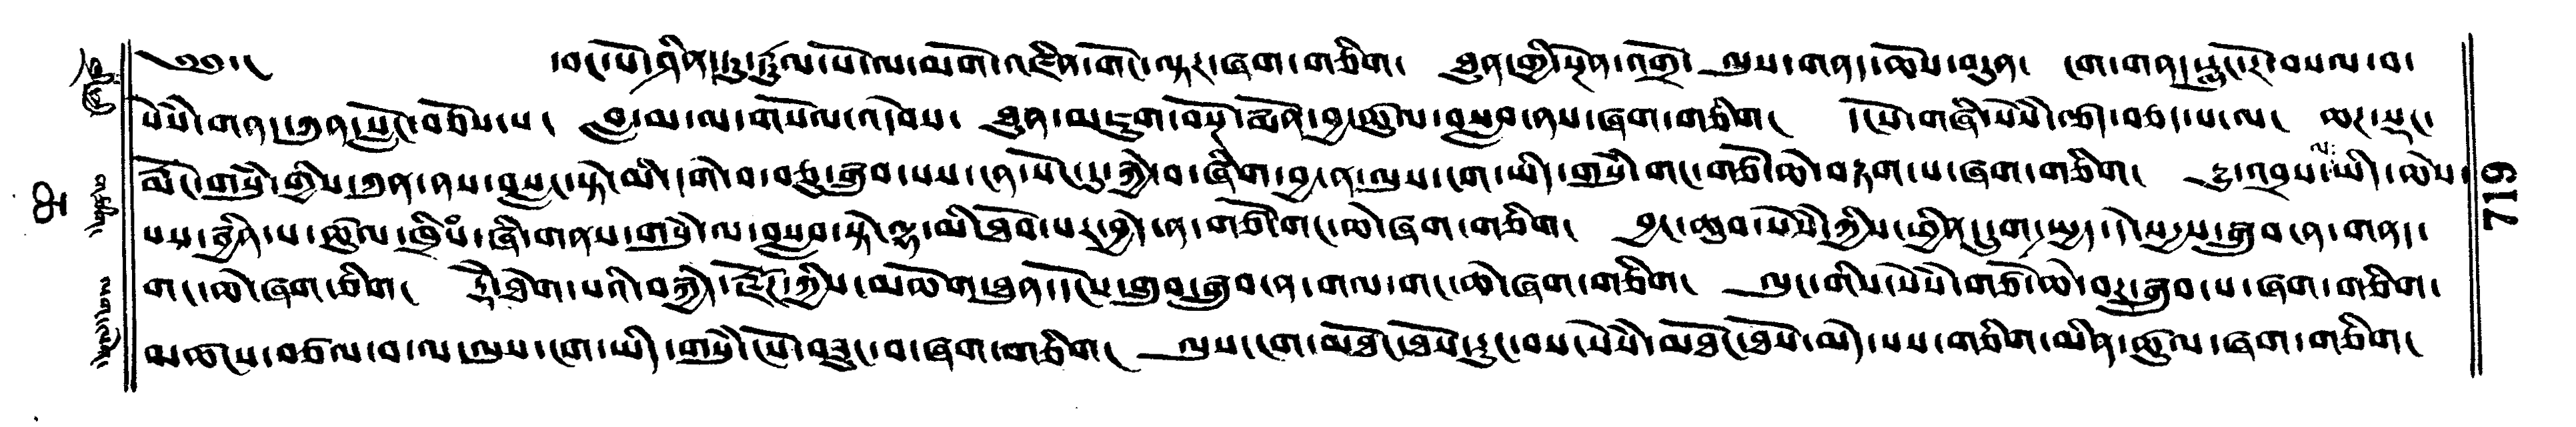༄༅། དབང་པོ་ཤིན་ཏུ་རྟུལ་པོ་ལ་འགོ་འཛིན་གོང་ལྟར་ཞག་གཅིག ཐུན་གྱི་སྔོན་འགྲོ། ལུས་གནད་ཆོས་བདུན། ངག་གནད་རླུང་རོ་བསལ་བ། 
སེམས་གནད་ཀུན་སློང་བཅོས་པ། བླ་མ་ལ་གསོལ་འདེབས། ཐུན་མཇུག་བསྔོ་སྨོན་བྱ་ཚུལ་བསླབ་ནས་ཞག་གཅིག དངོས་གཞི་སེམས་རྩད་བཅད་པ་ལ། ཆགས་སྡང་
རྨོངས་གསུམ་གྱི་ཀུན་ནས་བསླངས་སྟེ་མི་དགེ་བ་བཅུ་བསྒྲུབ་པས་ངན་སོང་དུ་སྐྱེ་བ་ཞིག་བྱས་ན་ལུས་ངག་ཡིད་གསུམ་གང་གཙོ་ཆེ་བརྟག་པ་ཞག་གཅིག རྒྱུ་འབྲས་ལ་ཡིད་ཆེས་
པས་སྦྱིན་པ་ཚུལ་ཁྲིམས་ཞི་གནས་གསུལ་ལ་བསླབ་སྟེ་ལྷ་མི་ཐོབ་པར་བྱེད་ན་གཙོ་གང་ཆེ་ཞག་གཅིག བྱང་ཆུབ་སེམས་ཀྱིས་ཕྱིན་དྲུག་སྤྱད་དེ་སངས་རྒྱས་བསྒྲུབ་ན་གནད་
གང་ཆེ་ཞག་ཅིག རྡོ་རྗེ་ཐེག་པའི་བསྐྱེད་རྫོགས་ཀྱིས་མཆོག་ཐུན་དངོས་གྲུབ་བསྒྲུབ་ན་གལ་གང་ཆེ་ཞག་གཅིག ལུང་གིས་སེམས་གཙོ་ཆེ་བར་སྒྲུབ་པ་ཞག་གཅིག 
མཚང་བཙལ་བ་ལ་ལུས་ངག་ཡིད་གསུམ་ངོས་བཟུང་བ་ཞག་གཅིག ལུས་ངག་མཐོང་ཐོས་རུང་བས་སེམས་མཐོང་ཐོས་མེད་པས་གཅིག་མིན་ཚུལ་ཞག་གཅིག